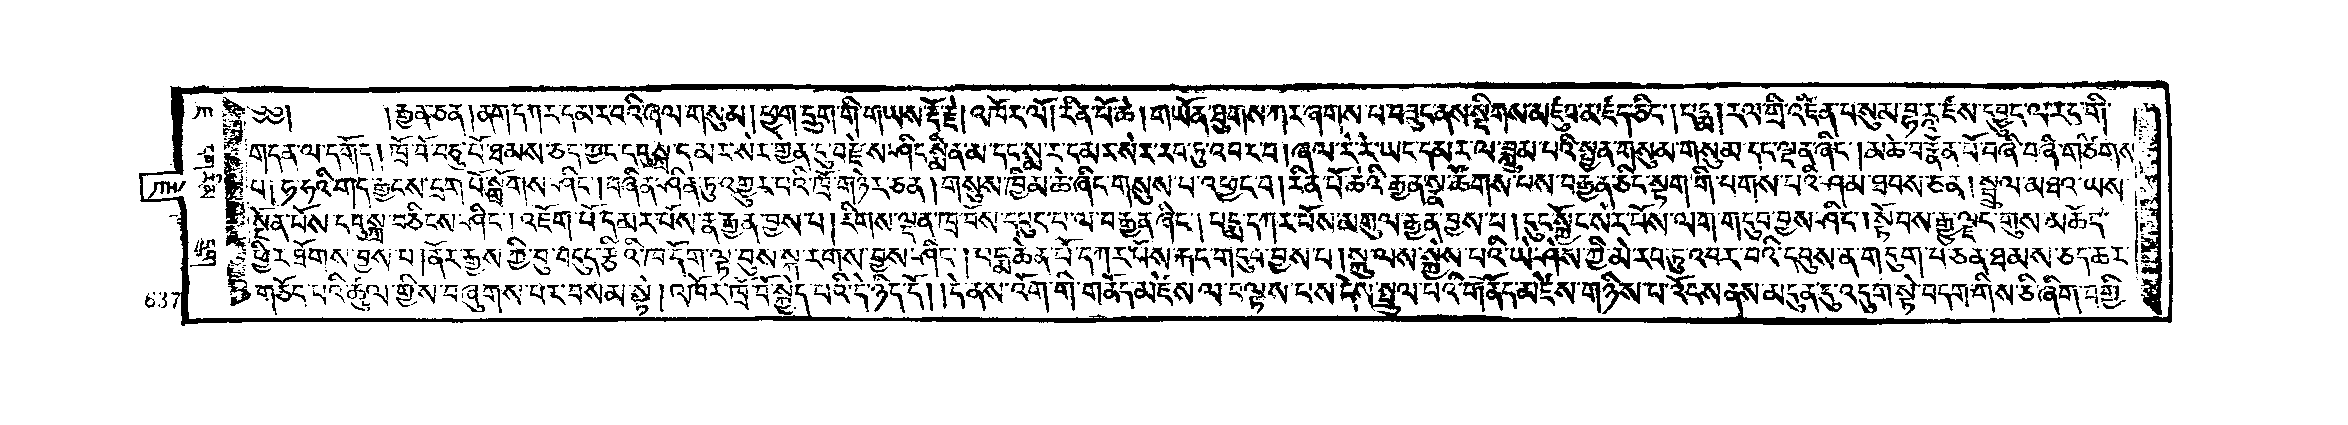༄༅། །རྒྱན་ཅན། ནག་དཀར་དམར་བའི་ཞལ་གསུམ། ཕྱག་དྲུག་གི་གཡས་རྡོ་རྗེ། འཁོར་ལོ། རིན་པོ་ཆེ། གཡོན་ཐུགས་ཀར་ཞགས་པ་བཟུང་ནས་སྡིགས་མཛུབ་མཛད་ཅིང་། པདམ། རལ་གྲི་འཛིན་པ་སུ་མ་བྷ་རཱ་ཛས་དབྱུང་ལ་རང་གི་
གདན་ལ་དགོད། ཁྲོ་བོ་བཅུ་པོ་ཐམས་ཅད་ཀྱང་དབུ་སྐྲ་དམར་སེར་གྱེན་དུ་བརྫེས་ཤིང་སྨིན་མ་དང་སྨ་ར་དམར་སེར་རབ་ཏུ་འབར་བ། ཞལ་རེ་རེ་ཡང་དམར་ལ་ཟླུམ་པའི་སྤྱན་གསུམ་གསུམ་དང་ལྡན་ཞིང་། མཆེ་བ་རྣོན་པོ་བཞི་བཞི་གཙིགས་
པ༑ ཧ་ཧའི་གད་རྒྱངས་དྲག་པོ་སྒྲོགས་ཤིང་། བཞིན་ཤིན་ཏུ་འགྱུར་པའི་ཁྲོ་གཉེར་ཅན། གསུས་ཁྱིམ་ཆེ་ཞིང་གསུས་པ་འཕྱང་བ། རིན་པོ་ཆེའི་རྒྱན་སྣ་ཚོགས་པས་བརྒྱན་ཅིང་སྟག་གི་པགས་པའི་ཤམ་ཐབས་ཅན། སྤྲུལ་མཐའ་ཡས་
སྔོན་པོས་དབུ་སྐྲ་བཅིངས་ཤིང་། འཇོག་པོ་དམར་པོས་རྣ་རྒྱན་བྱས་པ། རིགས་ལྡན་ཁྲ་བོས་དཔུང་པ་ལ་བརྒྱན་ཞིང་། པདམ་དཀར་པོས་མགུལ་རྒྱན་བྱས་པ། དུང་སྐྱོང་སེར་པོས་ལག་གདུབ་བྱས་ཤིང་། སྟོབས་རྒྱུ་ལྗང་གུས་མཆོད་
ཕྱིར་ཐོགས་བྱས་པ། ནོར་རྒྱས་ཀྱི་བུ་བདུད་རྩིའི་ཁ་དོག་ལྟ་བུས་སྐ་རགས་བྱས་ཤིང་། པདམ་ཆེན་པོ་དཀར་པོས་རྐང་གདུབ་བྱས་པ། སྐུ་ལས་སྐྱེས་པའི་ཡེ་ཤེས་ཀྱི་མེ་རབ་ཏུ་འབར་བའི་དབུས་ན་གདུག་པ་ཅན་ཐམས་ཅད་ཆར་
གཅོད་པའི་ཚུལ་གྱིས་བཞུགས་པར་བསམ་སྟེ། འཁོར་ཁྲོ་བོ་སྐྱེད་པའི་དེ་ཉིད་དོ། །དེ་ནས་འོག་གི་གནོད་མཛེས་ལ་བལྟས་པས་དེས་སྤྲུལ་པའི་གནོད་མཛེས་གཉིས་པ་འོངས་ནས་མདུན་དུ་འདུག་སྟེ་བདག་གིས་ཅི་ཞིག་བགྱི་